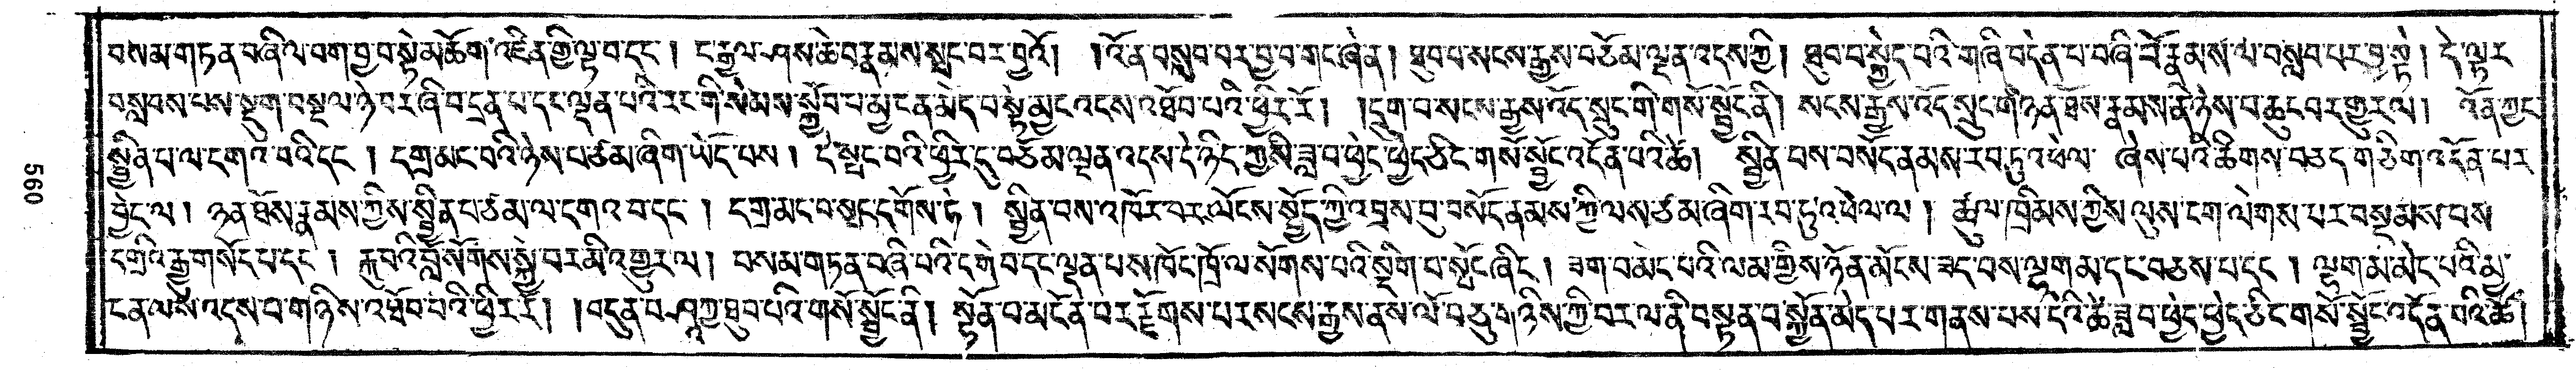བསམ་གཏན་བཞི་ལ་བག་བྱ་བ་སྟེ་མཆོག་འཛིན་གྱི་ལྟ་བ་དང་། ང་རྒྱལ་ཤས་ཆེ་བ་རྣམས་སྤང་བར་བྱའོ། །འོ་ན་བསླབ་པར་བྱ་བ་གང་ཞེ་ན། ཐུབ་པ་སངས་རྒྱས་བཅོམ་ལྡན་འདས་ཀྱི། ཐུབ་བ་སྐྱེད་པའི་གཞི་བདེན་པ་བཞི་པོ་རྣམས་ལ་བསླབ་པར་བྱ་སྟེ། དེ་ལྟར་
བསླབས་པས་སྡུག་བསྔལ་ཉེ་བར་ཞི་བ་དྲན་པ་དང་ལྡན་པའི་རང་གི་སེམས་སྐྱོབ་པ་མྱ་ངན་མེད་པ་སྟེ་མྱང་འདས་འཐོབ་པའི་ཕྱིར་རོ། །དྲུག་པ་སངས་རྒྱས་འོད་སྲུང་གི་གསོ་སྦྱོང་ནི། སངས་རྒྱས་འོད་སྲུང་གཉན་ཐོས་རྣམས་ནི་ཉེས་པ་ཆུང་བར་གྱུར་ལ། འོན་ཀྱང་
སྦྱིན་པ་ལ་དགའ་བའི་དང་། དགྲ་མང་བའི་ཉེས་པ་ཙམ་ཞིག་ཡོད་པས། དེ་སྤང་བའི་ཕྱིར་དུ་བཅོམ་ལྡན་འདས་དེ་ཉིད་ཀྱིས་ཟླ་བ་ཕྱེད་ཕྱེད་ཅིང་གསོ་སྦྱོང་འདོན་པའི་ཚེ། སྦྱིན་པས་བསོད་ནམས་རབ་ཏུ་འཕེལ་ཞེས་པའི་ཚིགས་བཅད་གཅིག་འདོན་པར་
བྱེད་ལ། ཉན་ཐོས་རྣམས་ཀྱིས་སྦྱིན་པ་ཙམ་ལ་དགའ་བ་དང་། དགྲ་མང་བ་སྤང་དགོས་ཏེ། སྦྱིན་བས་འཁོར་བར་ལོངས་སྤྱོད་ཀྱི་འབྲས་བུ་བསོད་ནམས་ཀྱི་ལས་ཙམ་ཞིག་རབ་ཏུ་འཕེལ་ལ། ཚུལ་ཁྲིམས་ཀྱིས་ལུས་ངག་ལེགས་པར་བསྡམས་པས་
དགྲའི་རྒྱུ་གསོད་པ་དང་། རྐུ་བའི་བློ་སོགས་སྐྱེ་བར་མི་འགྱུར་ལ། བསམ་གཏན་བཞི་པའི་དགེ་བ་དང་ལྡན་པས་ཁོང་ཁྲོ་ལ་སོགས་པའི་སྡིག་བ་སྤོང་ཞིང་། ཟག་བ་མེད་པའི་ལམ་གྱིས་ཉོན་མོངས་ཟད་བས་ལྷག་མ་དང་བཅས་པ་དང་། ལྷག་མ་མེད་པའི་མྱ་
ངན་ལས་འདས་བ་གཉིས་འཐོབ་པའི་ཕྱིར་རོ། །བདུན་བཤཱཀྱ་ཐུབ་པའི་གསོ་སྦྱོང་ནི། སྟོན་པ་མངོན་པར་རྗོགས་པར་སངས་རྒྱས་ནས་ལོ་བཅུ་གཉིས་ཀྱི་བར་ལ་ནི་བསྟན་བ་སྐྱོན་མེད་པར་གནས་པས་དེའི་ཚེ་ཟླ་བ་ཕྱེད་ཕྱེད་ཅིང་གསོ་སྦྱོང་འདོན་པའི་ཚེ།